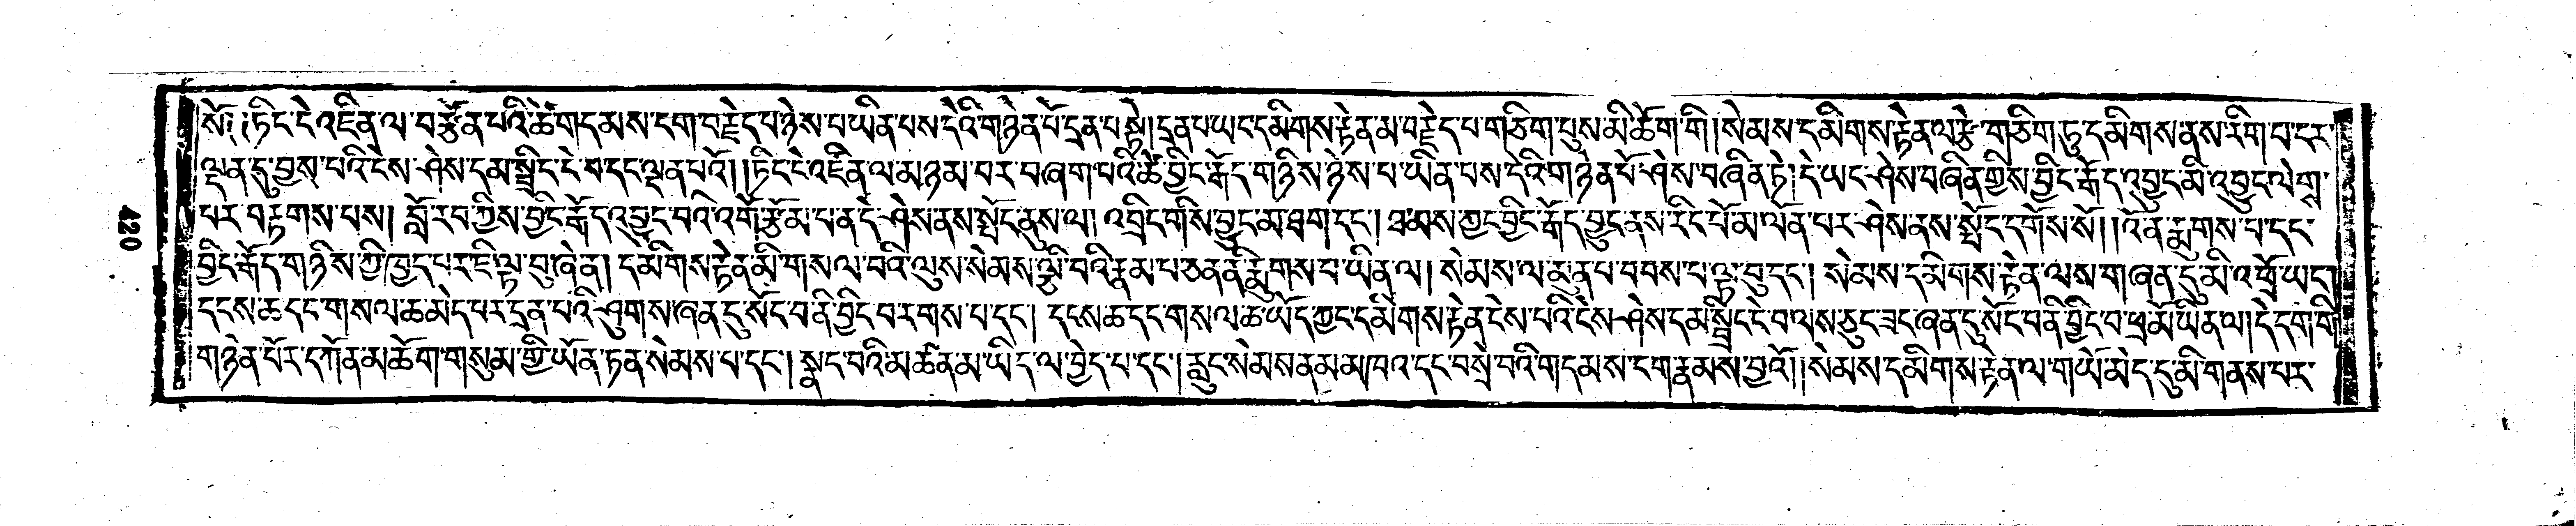སོ། །ཏིང་ངེ་འཛིན་ལ་བརྩོན་པའི་ཚེ་གདམས་ངག་བརྗེད་པ་ཉེས་པ་ཡིན་པས་དེའི་གཉེན་པོ་དྲན་པ་སྟེ། དྲན་པ་ཡང་དམིགས་རྟེན་མ་བརྗེད་པ་གཅིག་པུས་མི་ཆོག་གི །སེམས་དམིགས་རྟེན་ལ་རྩེ་གཅིག་ཏུ་དམིགས་ནས་རིག་པ་ངར་
ལྡན་དུ་བྱས་པའི་ངེས་ཤེས་དམ་སྦྲིང་ངེ་བ་དང་ལྡན་པའོ། །ཏིང་ངེ་འཛིན་ལ་མཉམ་པར་བཞག་པའི་ཚེ་བྱིང་རྒོད་གཉིས་ཉེས་པ་ཡིན་པས་དེའི་གཉེན་པོ་ཤེས་བཞིན་ཏེ། དེ་ཡང་ཤེས་བཞིན་གྱིས་བྱིང་རྒོད་འབྱུང་མི་འབྱུང་ལེགས་
པར་བརྟགས་པས། བློ་རབ་ཀྱིས་བྱིང་རྒོད་འབྱུང་བའི་འགོ་རྩོམ་པ་ན་དེ་ཤེས་ནས་སྤོང་ནུས་ལ། འབྲིང་གིས་བྱུང་མ་ཐག་དང་། ཐ་མས་ཀྱང་བྱིང་རྒོད་བྱུང་ནས་རིང་པོ་མ་ལོན་པར་ཤེས་ནས་སྤོང་དགོས་སོ། །འོ་ན་རྨུགས་པ་དང་
བྱིང་རྒོད་གཉིས་ཀྱི་ཁྱད་པར་ཇི་ལྟ་བུ་ཞེ་ན། དམིགས་རྟེན་མི་གསལ་བའི་ལུས་སེམས་ལྕི་བའི་རྣམ་པ་ཅན་ན་རྨུགས་པ་ཡིན་ལ། སེམས་ལ་མུན་པ་བབས་པ་ལྟ་བུ་དང་། སེམས་དམིགས་རྟེན་ལས་གཞན་དུ་མི་འཕྲོ་ཡང་།
དངས་ཆ་དང་གསལ་ཆ་མེད་པར་དྲན་པའི་ཤུགས་ཞན་དུ་སོང་བ་ནི་བྱིང་བ་རགས་པ་དང་། དངས་ཆ་དང་གསལ་ཆ་ཡོད་ཀྱང་དམིགས་རྟེན་ངེས་པའི་ངེས་ཤེས་དམ་སྦྲིང་ངེ་བ་ལས་ཅུང་ཟད་ཞན་དུ་སོང་བ་ནི་བྱིང་བ་ཕྲ་མོ་ཡིན་ལ། དེ་དག་གི་
གཉེན་པོར་དཀོན་མཆོག་གསུམ་གྱི་ཡོན་ཏན་སེམས་པ་དང་། སྣང་བའི་མཚན་མ་ཡིད་ལ་བྱེད་པ་དང་། རླུང་སེམས་ནམ་མཁའ་དང་བསྲེ་བའི་གདམས་ངག་རྣམས་བྱའོ། །སེམས་དམིགས་རྟེན་ལ་གཡོ་མེད་དུ་མི་གནས་པར་